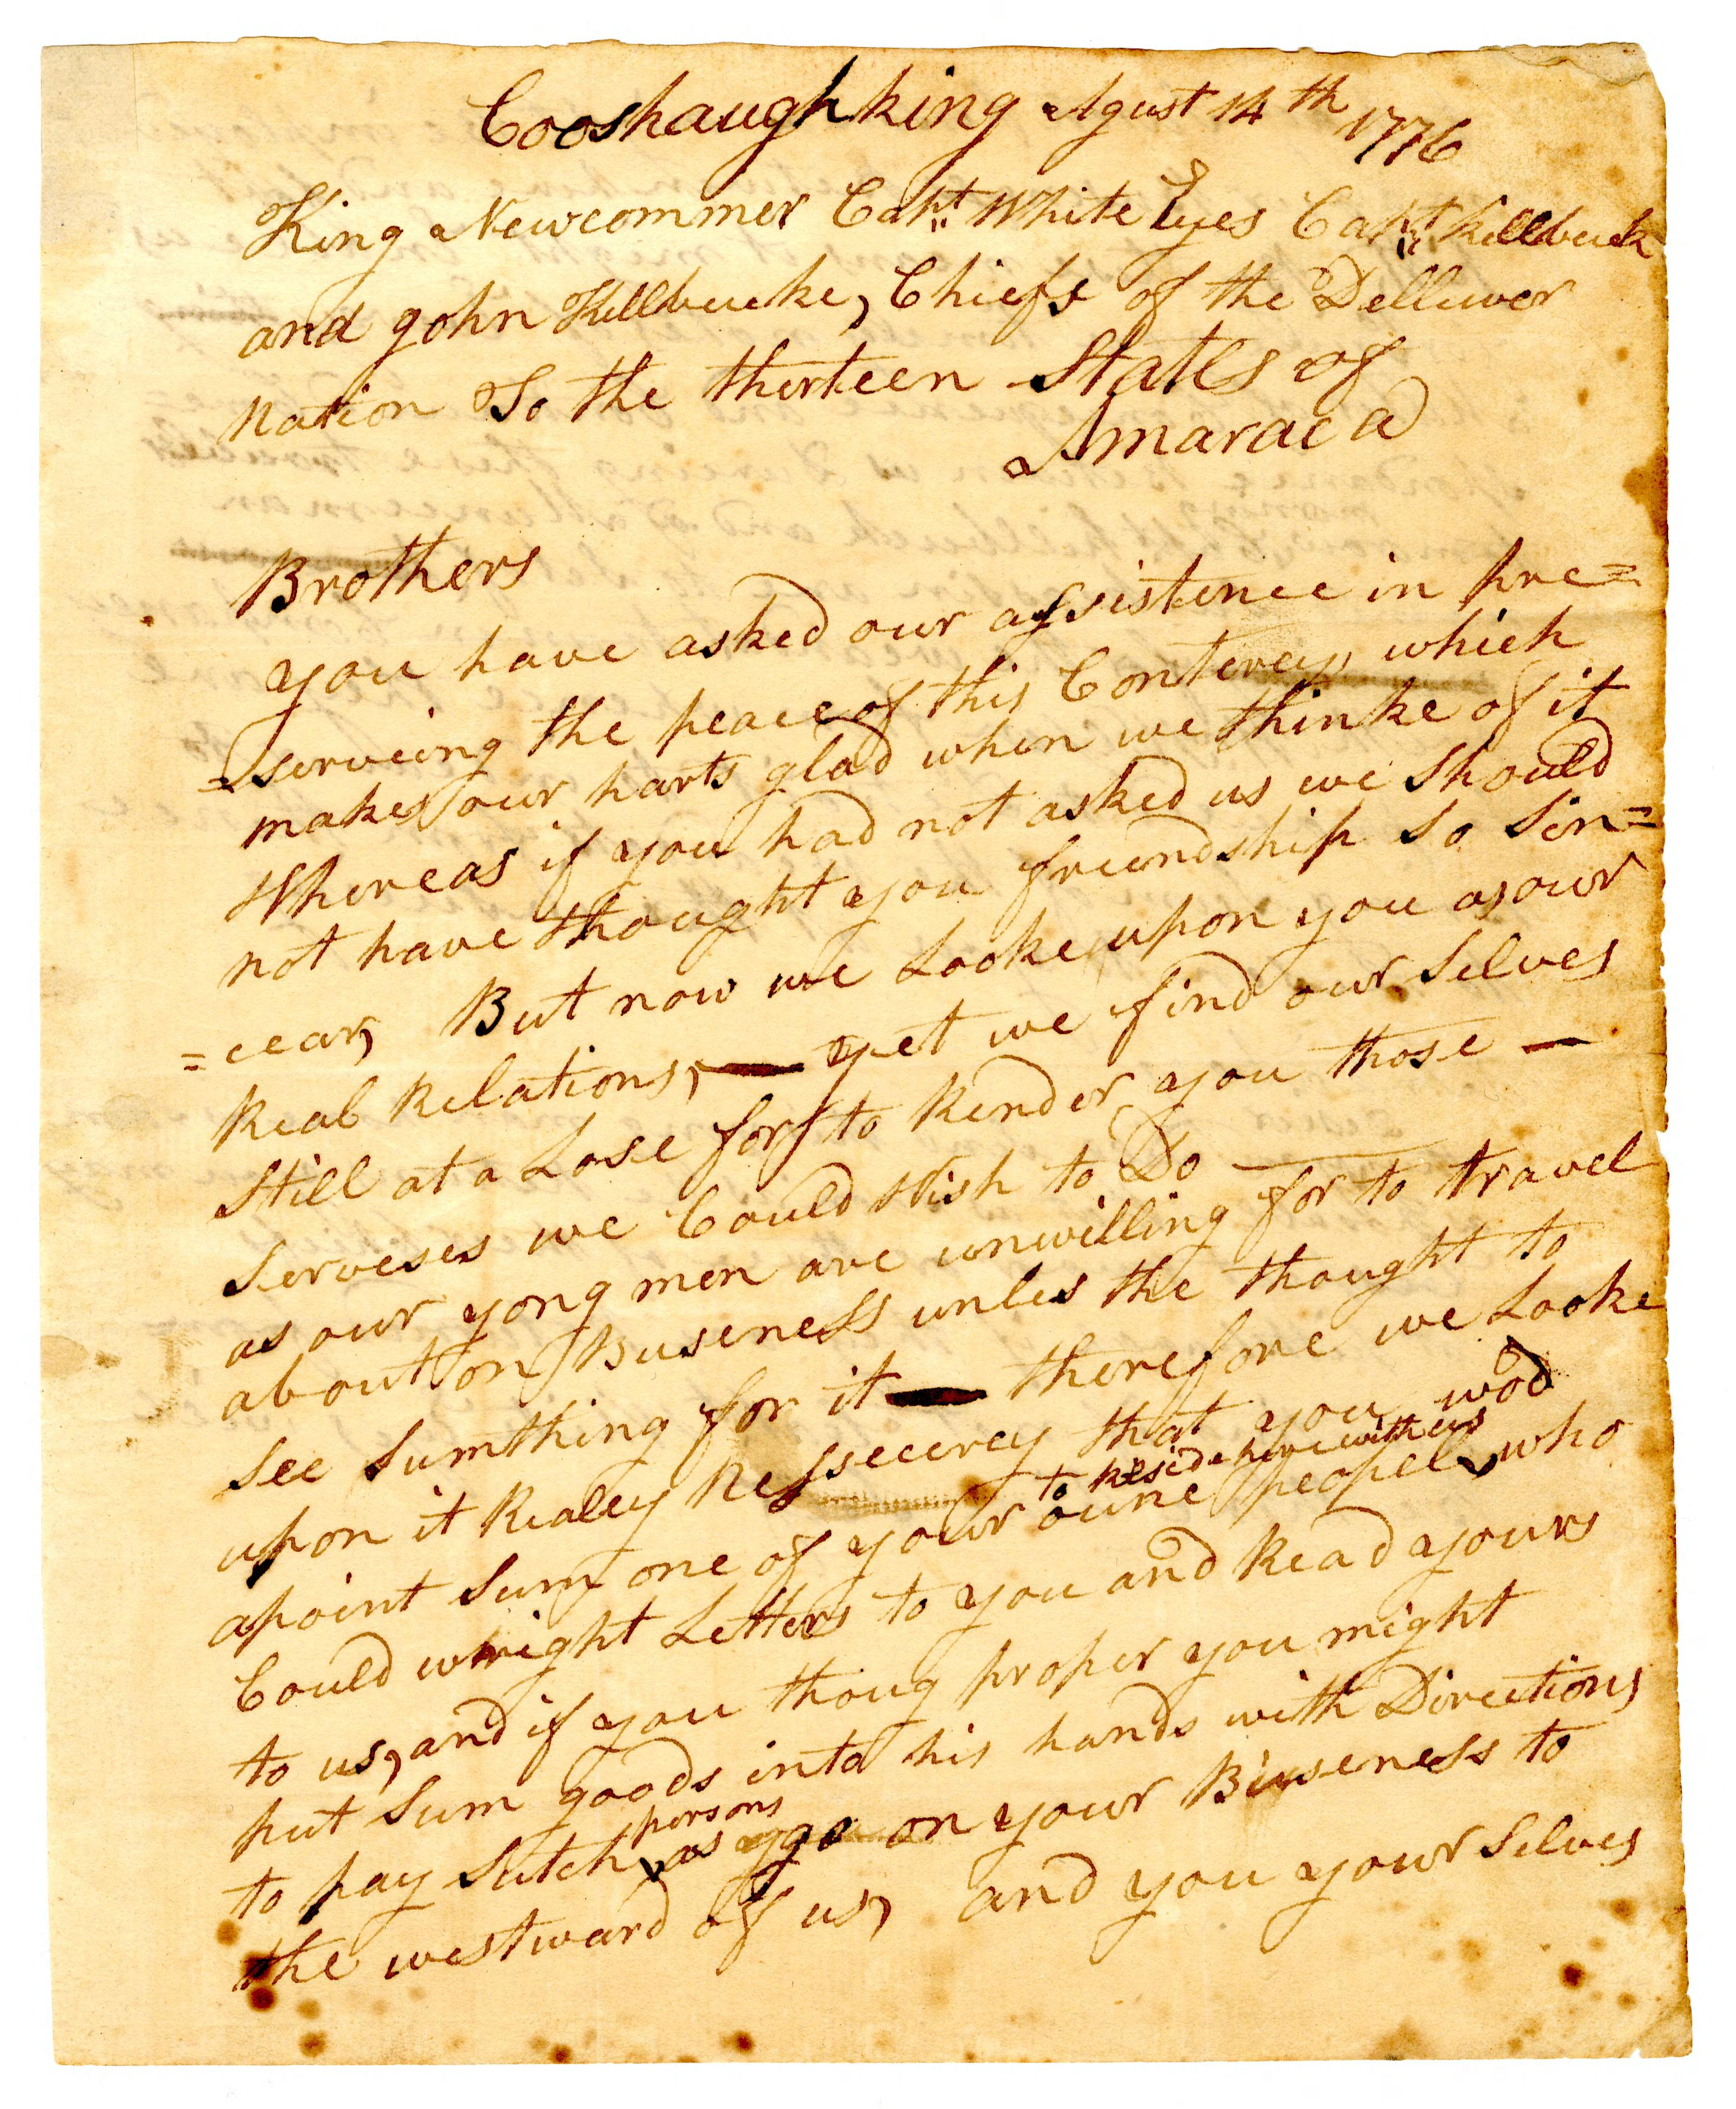Cooshaughking Agust 14^th
1776
King Newcommer Cap^t. White Eyes Cap^t Killbuck
and John Killbucke, Chiefs of the Dellewer
Nation To the therteen States of
Amaraca
Brothers
you have asked our assistence in pre-
-serveing the peace of this Conterey, which
makes our harts glad when we thinke of it
Thereas if you had not asked us we should
not have thought you friendship so Sin-
-cear, But now we Looke upon you as our
Real Relations,- yet we find our Selves
Still at a Lose for to Render, you those-
Serveses we Could Wish to Do-
as our yong men are unwilling for to travel
about on Buseness unless the thought to
see Sumthing for it- therefore we Looke
upon it Really Nessecerey that you wod
to reside here with us
apoint Sum one of your oune peopel ^ who
Could wright Letters to you and Read yours
to us, and if you thoug proper you might
put sum goods into his hands with Directions
persons
to pay sutch ^ as go on your Biseness to
the westward of us and you yourselves